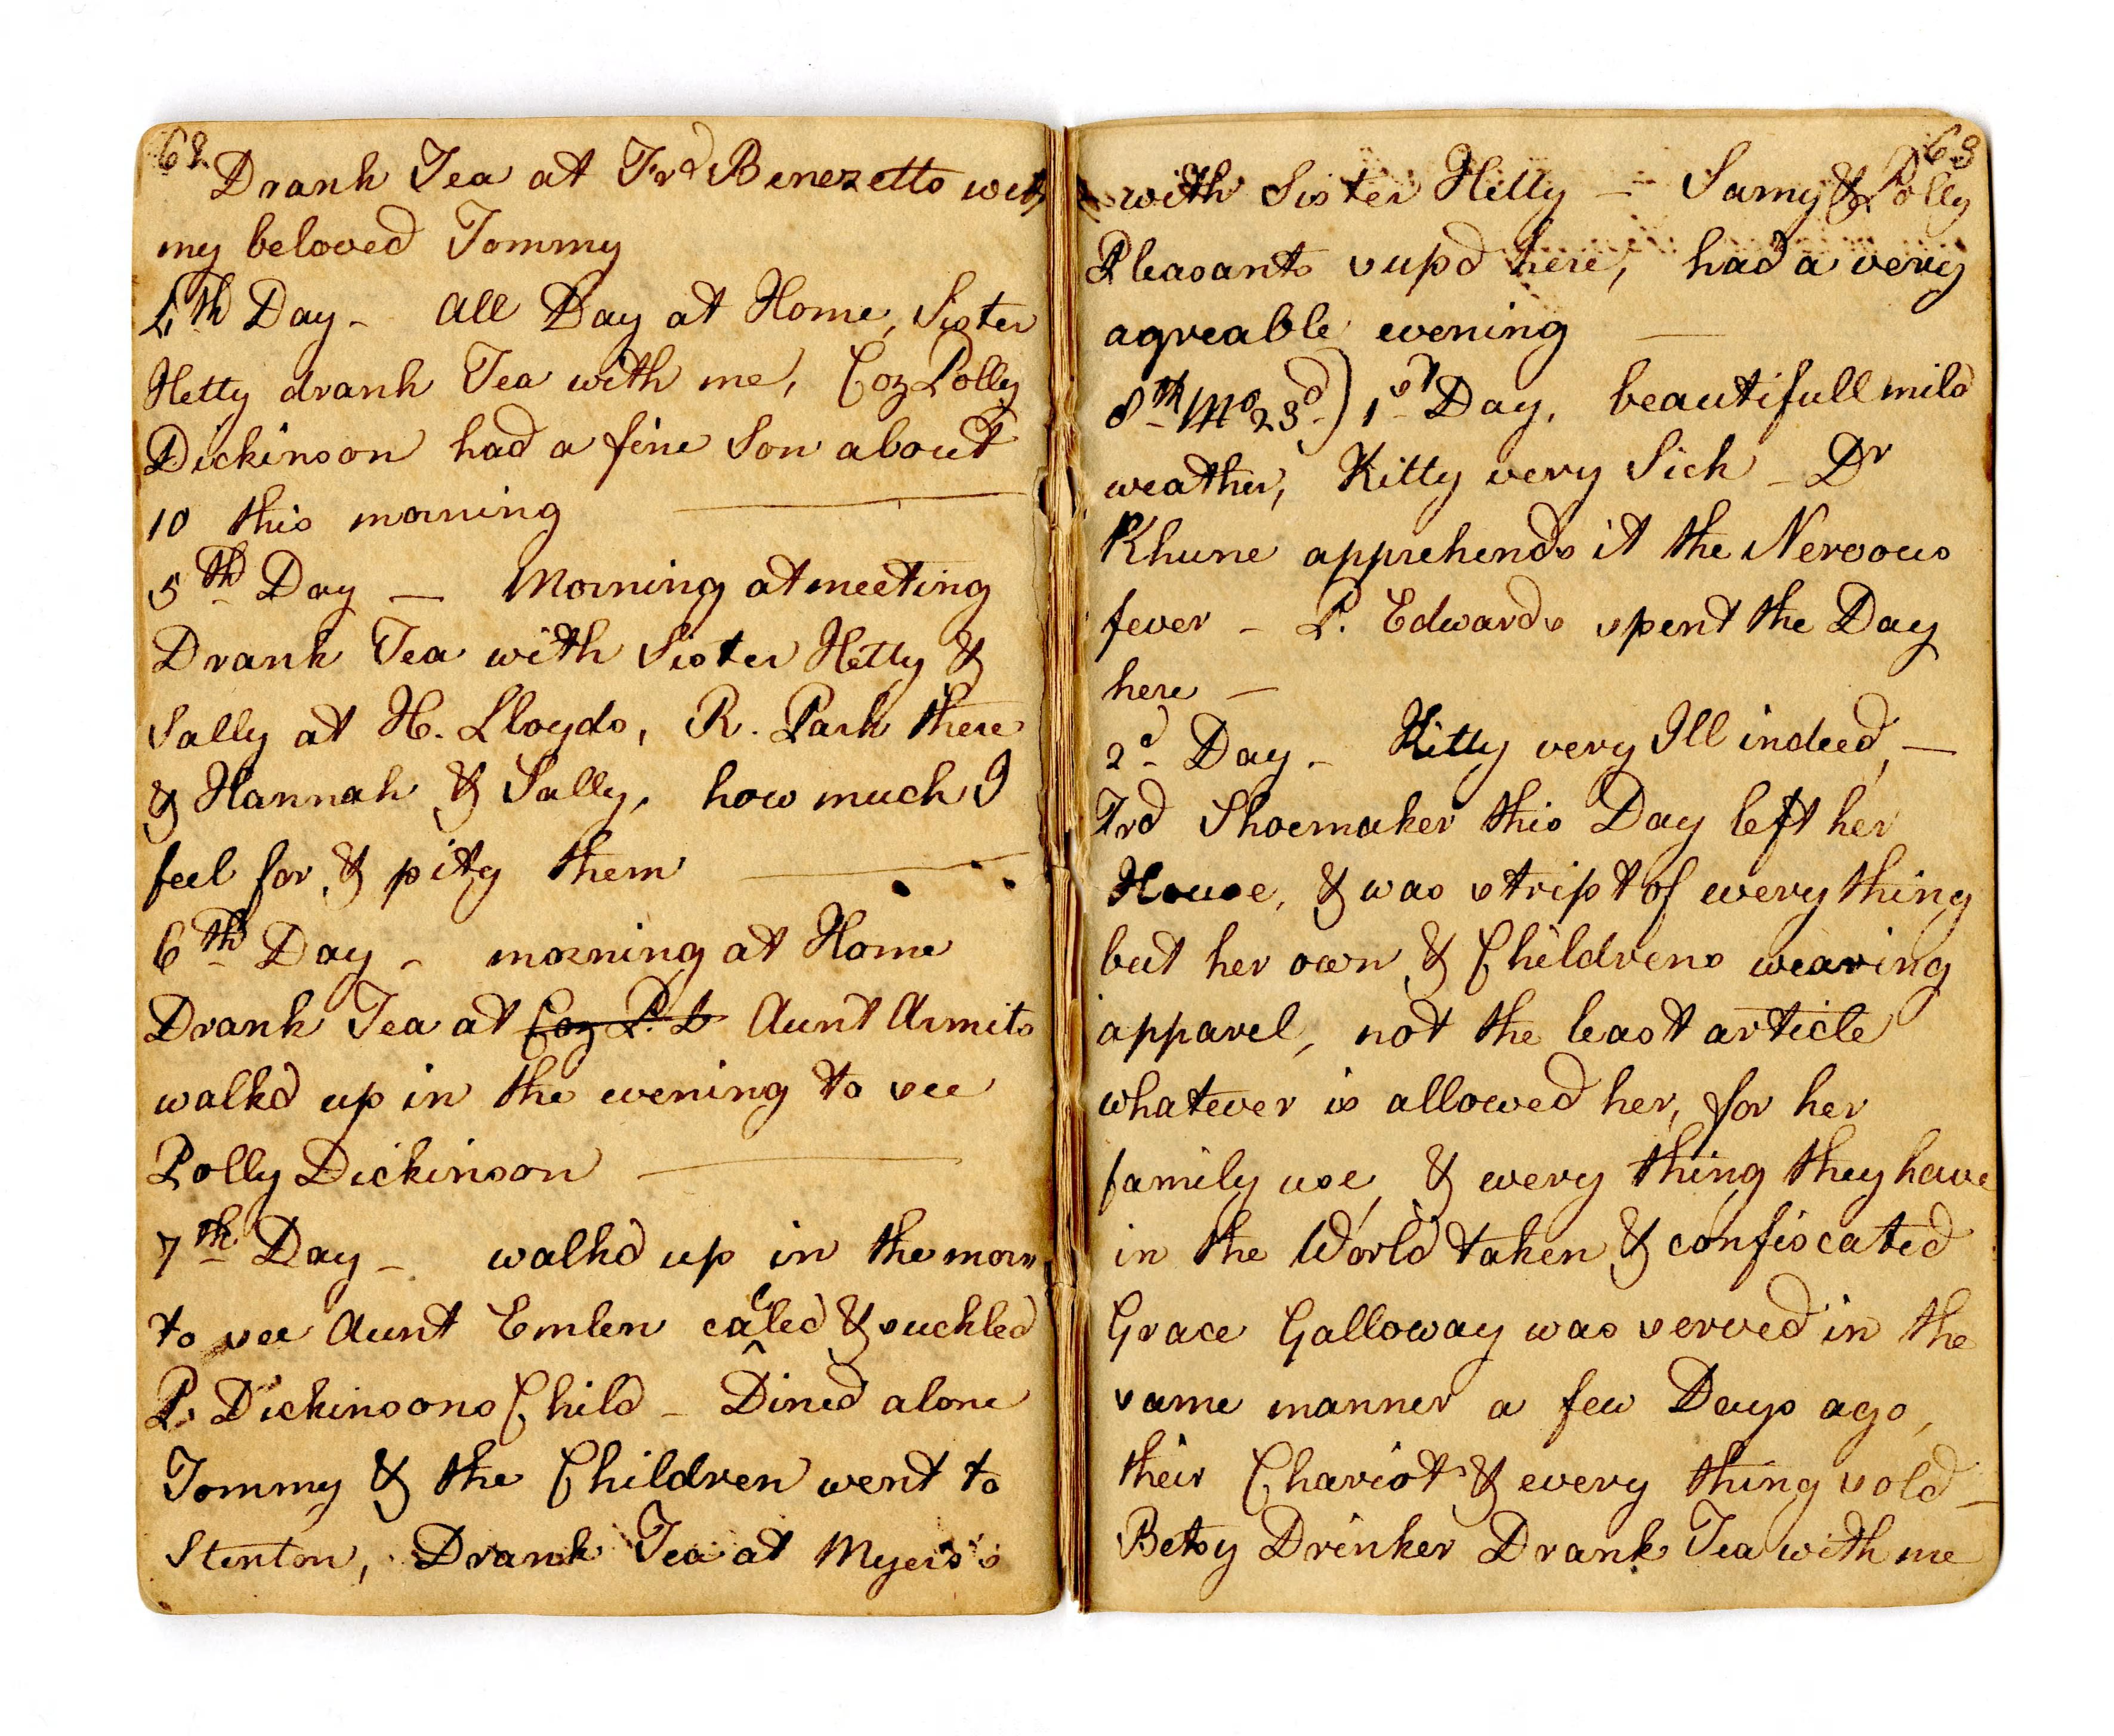62
Drank Tea at Fr^d Benezetts wit
my beloved Tommy
4^th Day- All Day at Home, Sister
Hetty drank Tea with me, Coz Polly
Dickinson had a fine Son about
10 this morning-
5^th Day- Morning at meeting
Drank Tea with Sister Hetty &
Sally at H. Lloyds, R. Park there
& Hannah & Sally, how much I
feel for & pity them
6^th Day- morning at Home
Drank Tea at Coz P. L Aunt Armits
walkd up in the evening to see
Polly Dickinson -
7^th Day- walkd up in the morn
to see Aunt Emlen ca ^l led & suckled
P. Dickinsons Child- Dined alone
Tommy & the Children went to
Stenton, Drank Tea at Myers's
63
with Sister Hetty- Samy & Polly
Pleasants supd here, had a very
agreable evening-
8^th M^o 23^d) 1^st Day, beautifull mild
weather, Kitty very Sick- D^r
Khune apprehends it the Nervous
fever- P. Edwards spent the Day
here-
3^d. Day- Kitty very Ill indeed-
Frd Shoemaker this Day left her
House, & was stript of everything
but her own & Childrens wearing
apparel, not the least article
whatever is allowed her, for her
family use, & every thing they have
in the World taken & confiscated
Grace Galloway was served in the
same manner a few Days ago,
their Chariot & every thing sold-
Betsy Drinker Drank Tea with me